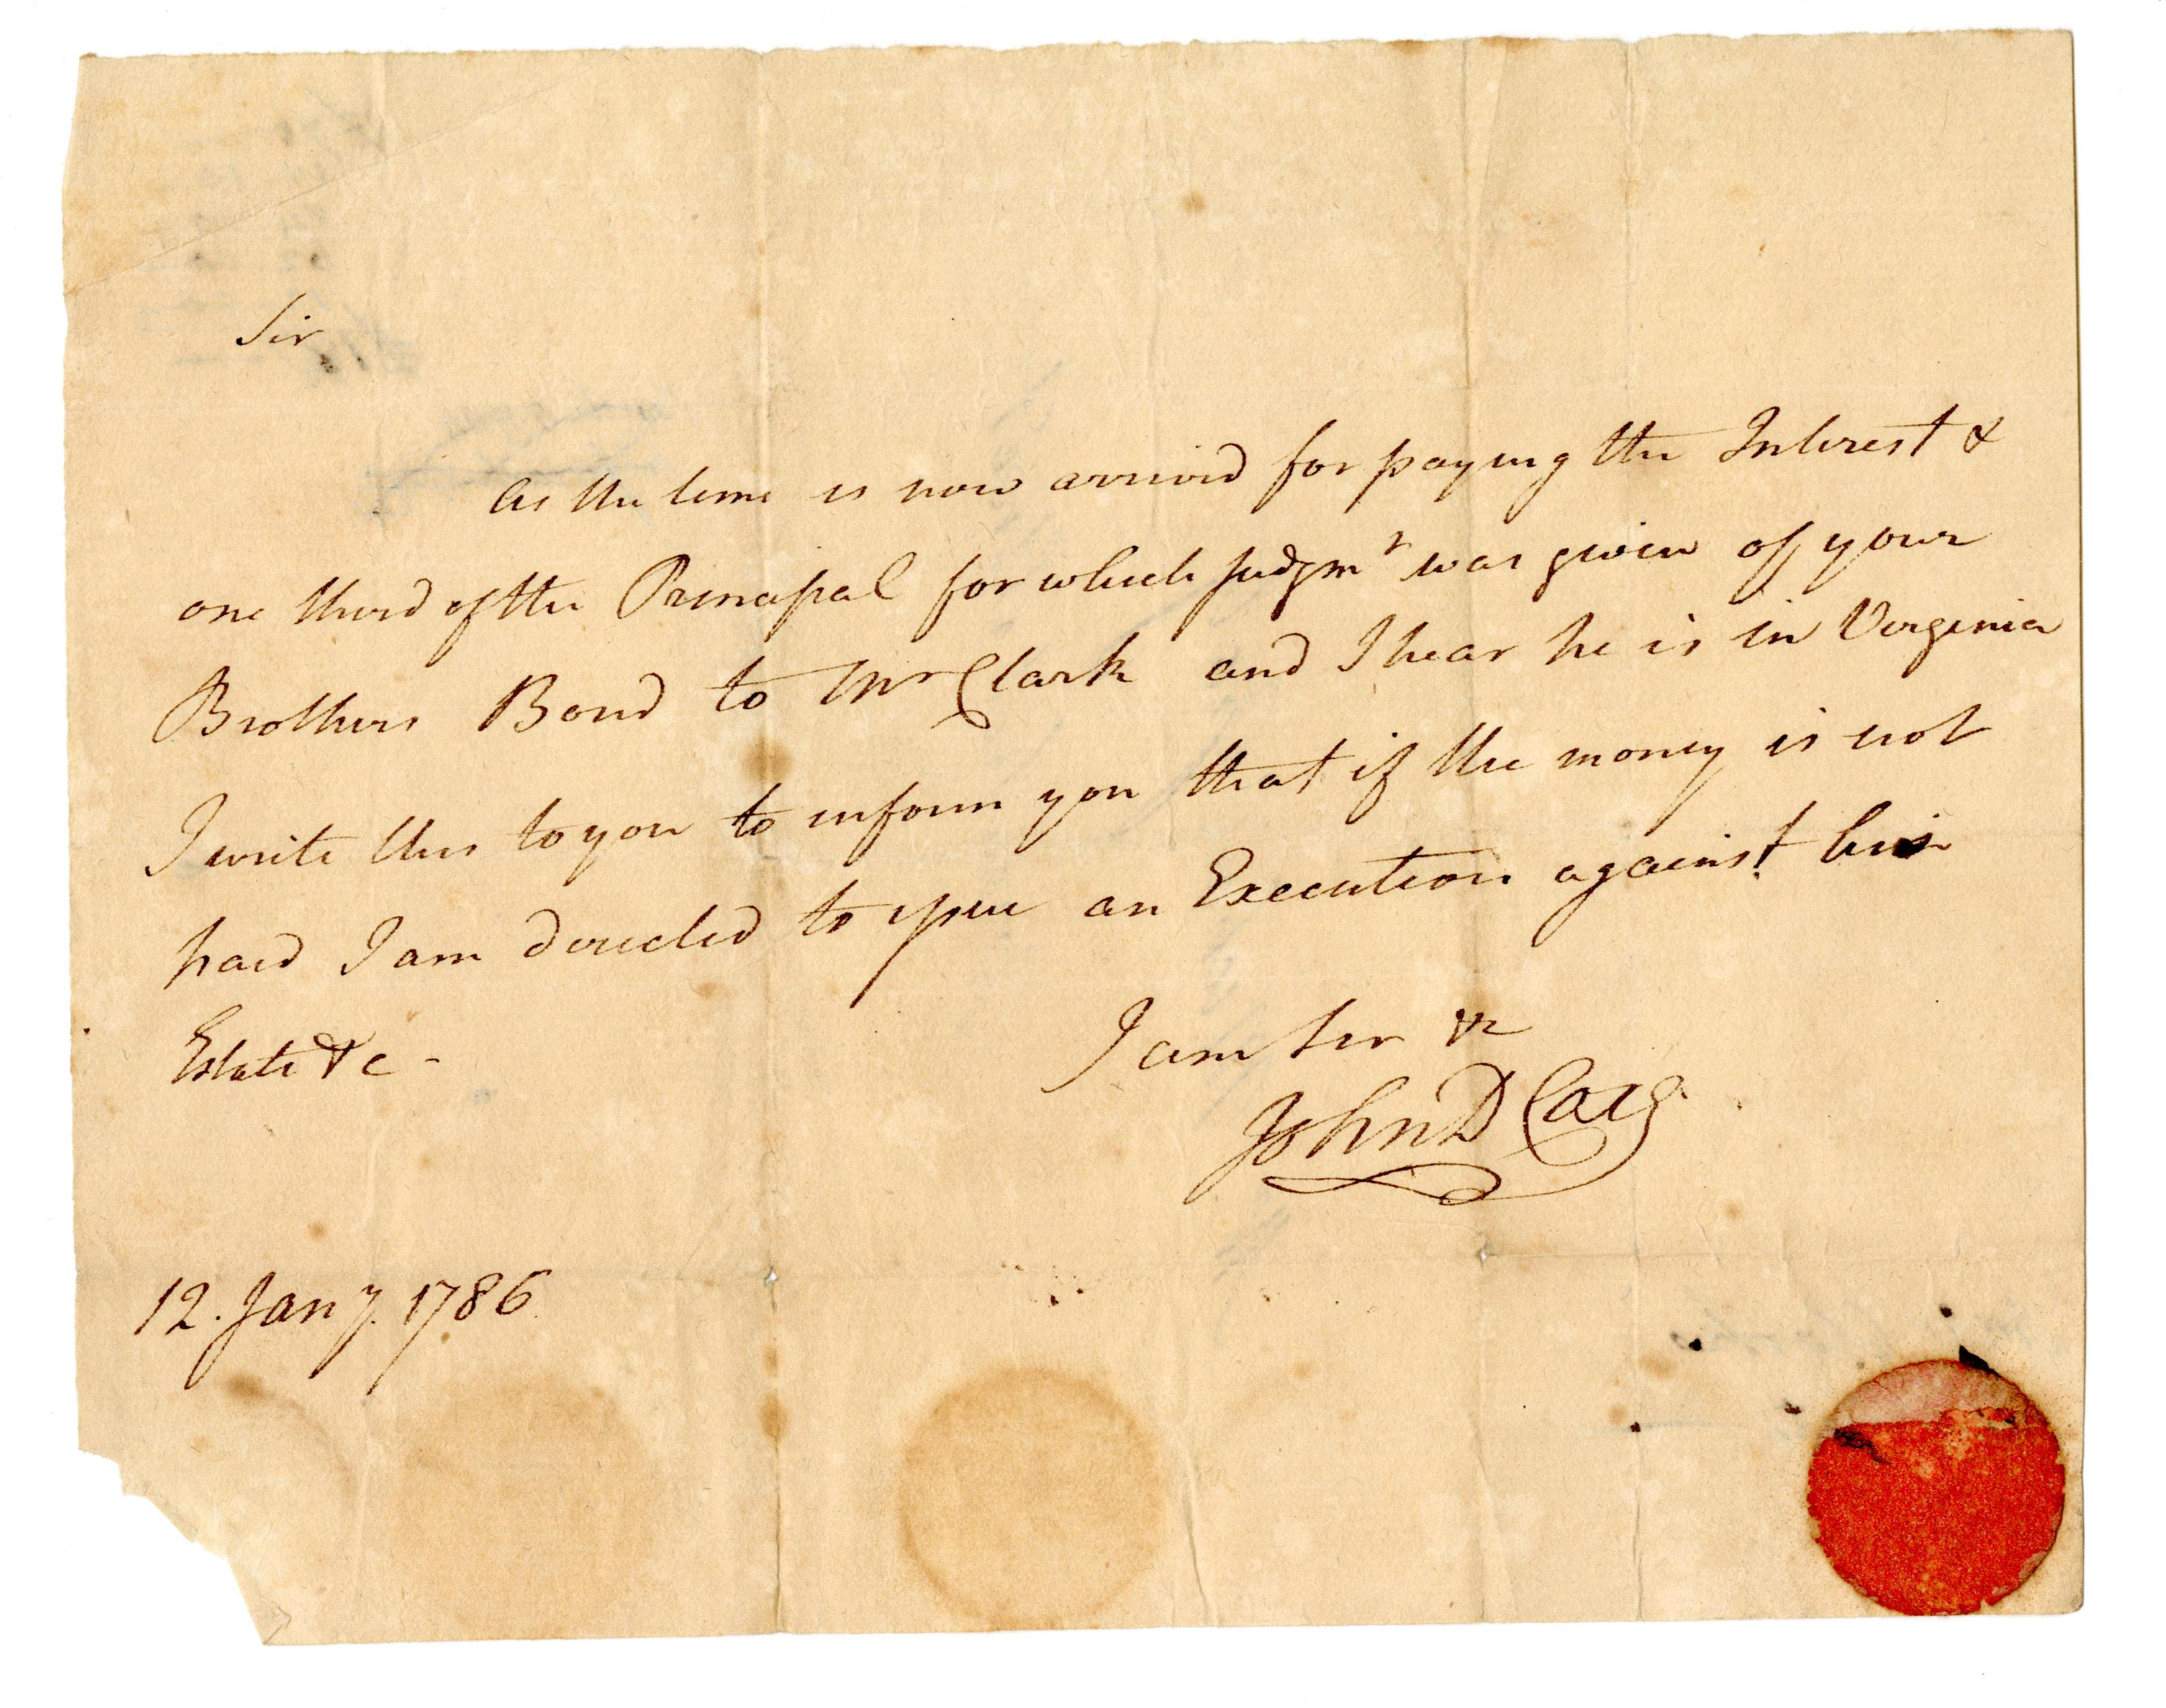Sir
as the leins is now arrived for paying the Interest &
one third of the Principal for which judgm^t was given of your
Brothers Bond to M^r Clark and I hear he is in Virginia
I write this to you to inform you that if the money is not
had I am directed to you and Execution against his
Estate
12. Jan^y. 1786
I am sir &c
John D Case